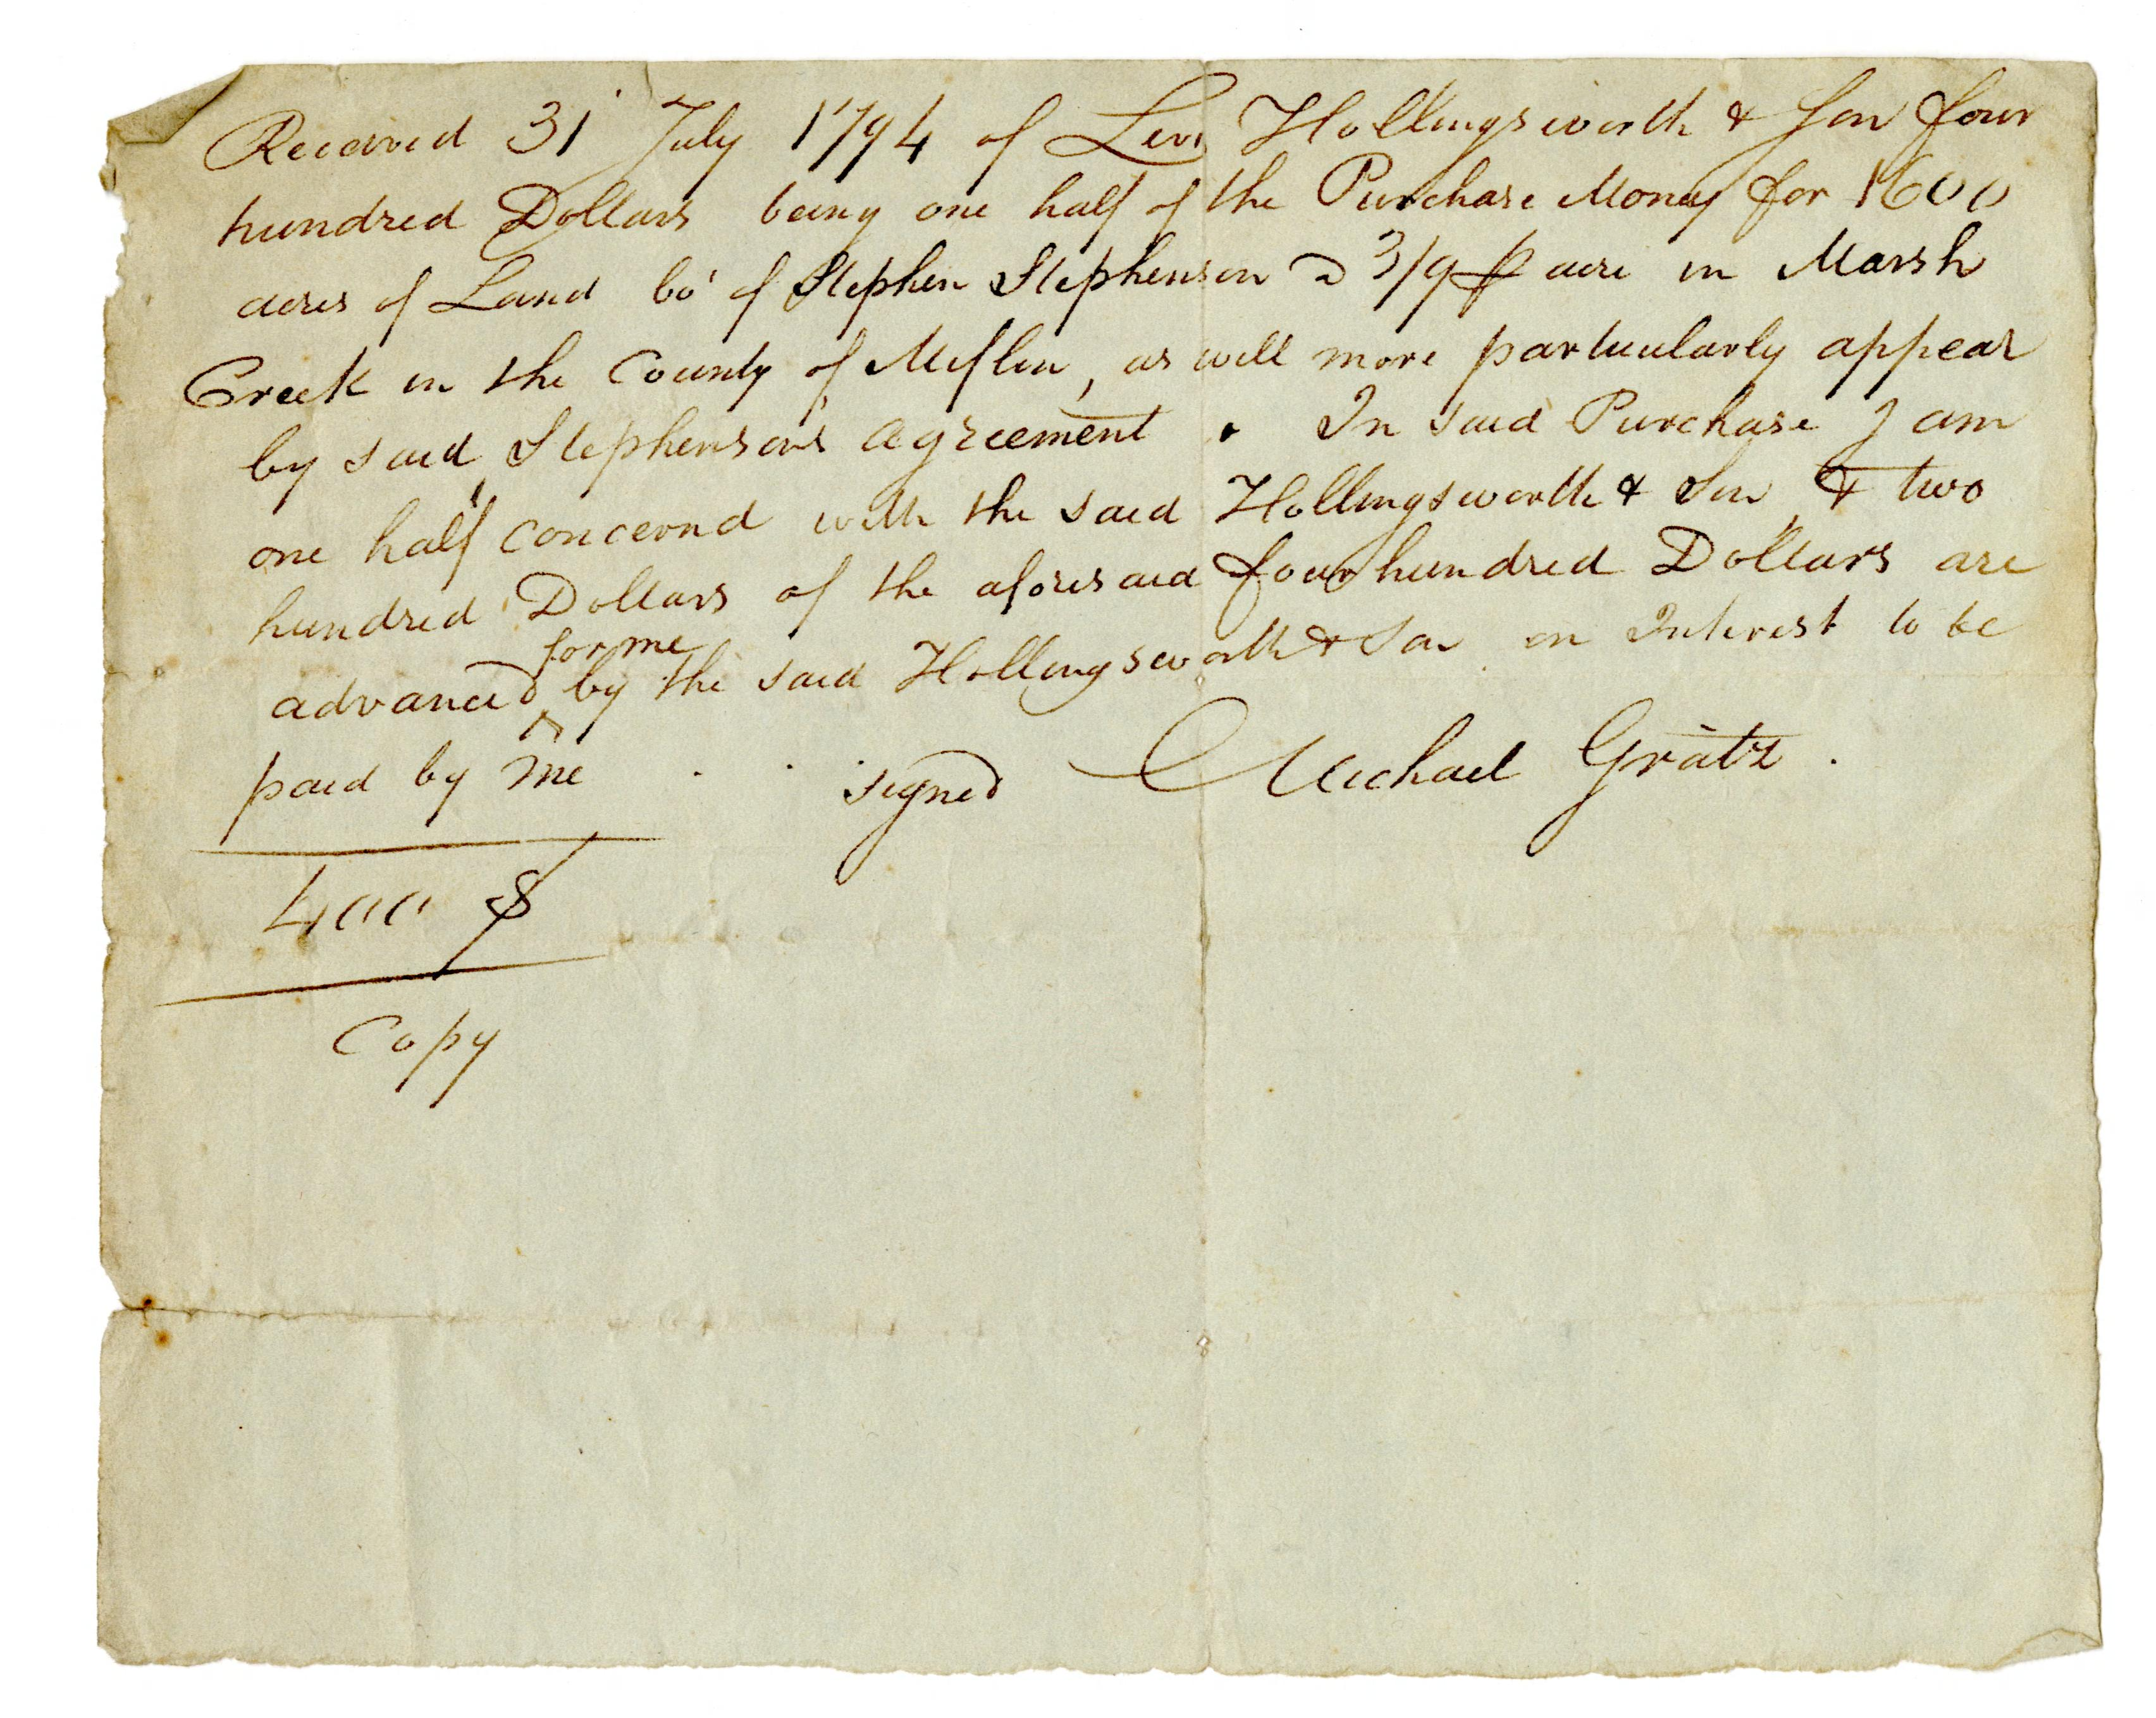Received 31 July 1794 of Levi Hollingsworth & for four
hundred Dollars being one half of the Purchase Money for 1600
acres of land bo' of Stephen Stephenson @ 3/9 per acre in Marsh
Creek in the County of Miflin as well more particularly appear
by said Stephenson's agreement. In said Purchase I am
one half concerned with the said Hollingsworth & Son & two
hundred Dollars of the aforesaid four hundred Dollars are
for me
advanced ^ by the said Hollingsworth & Son on Interest to be
paid by me
400$
Copy
Michael Gratz
signed